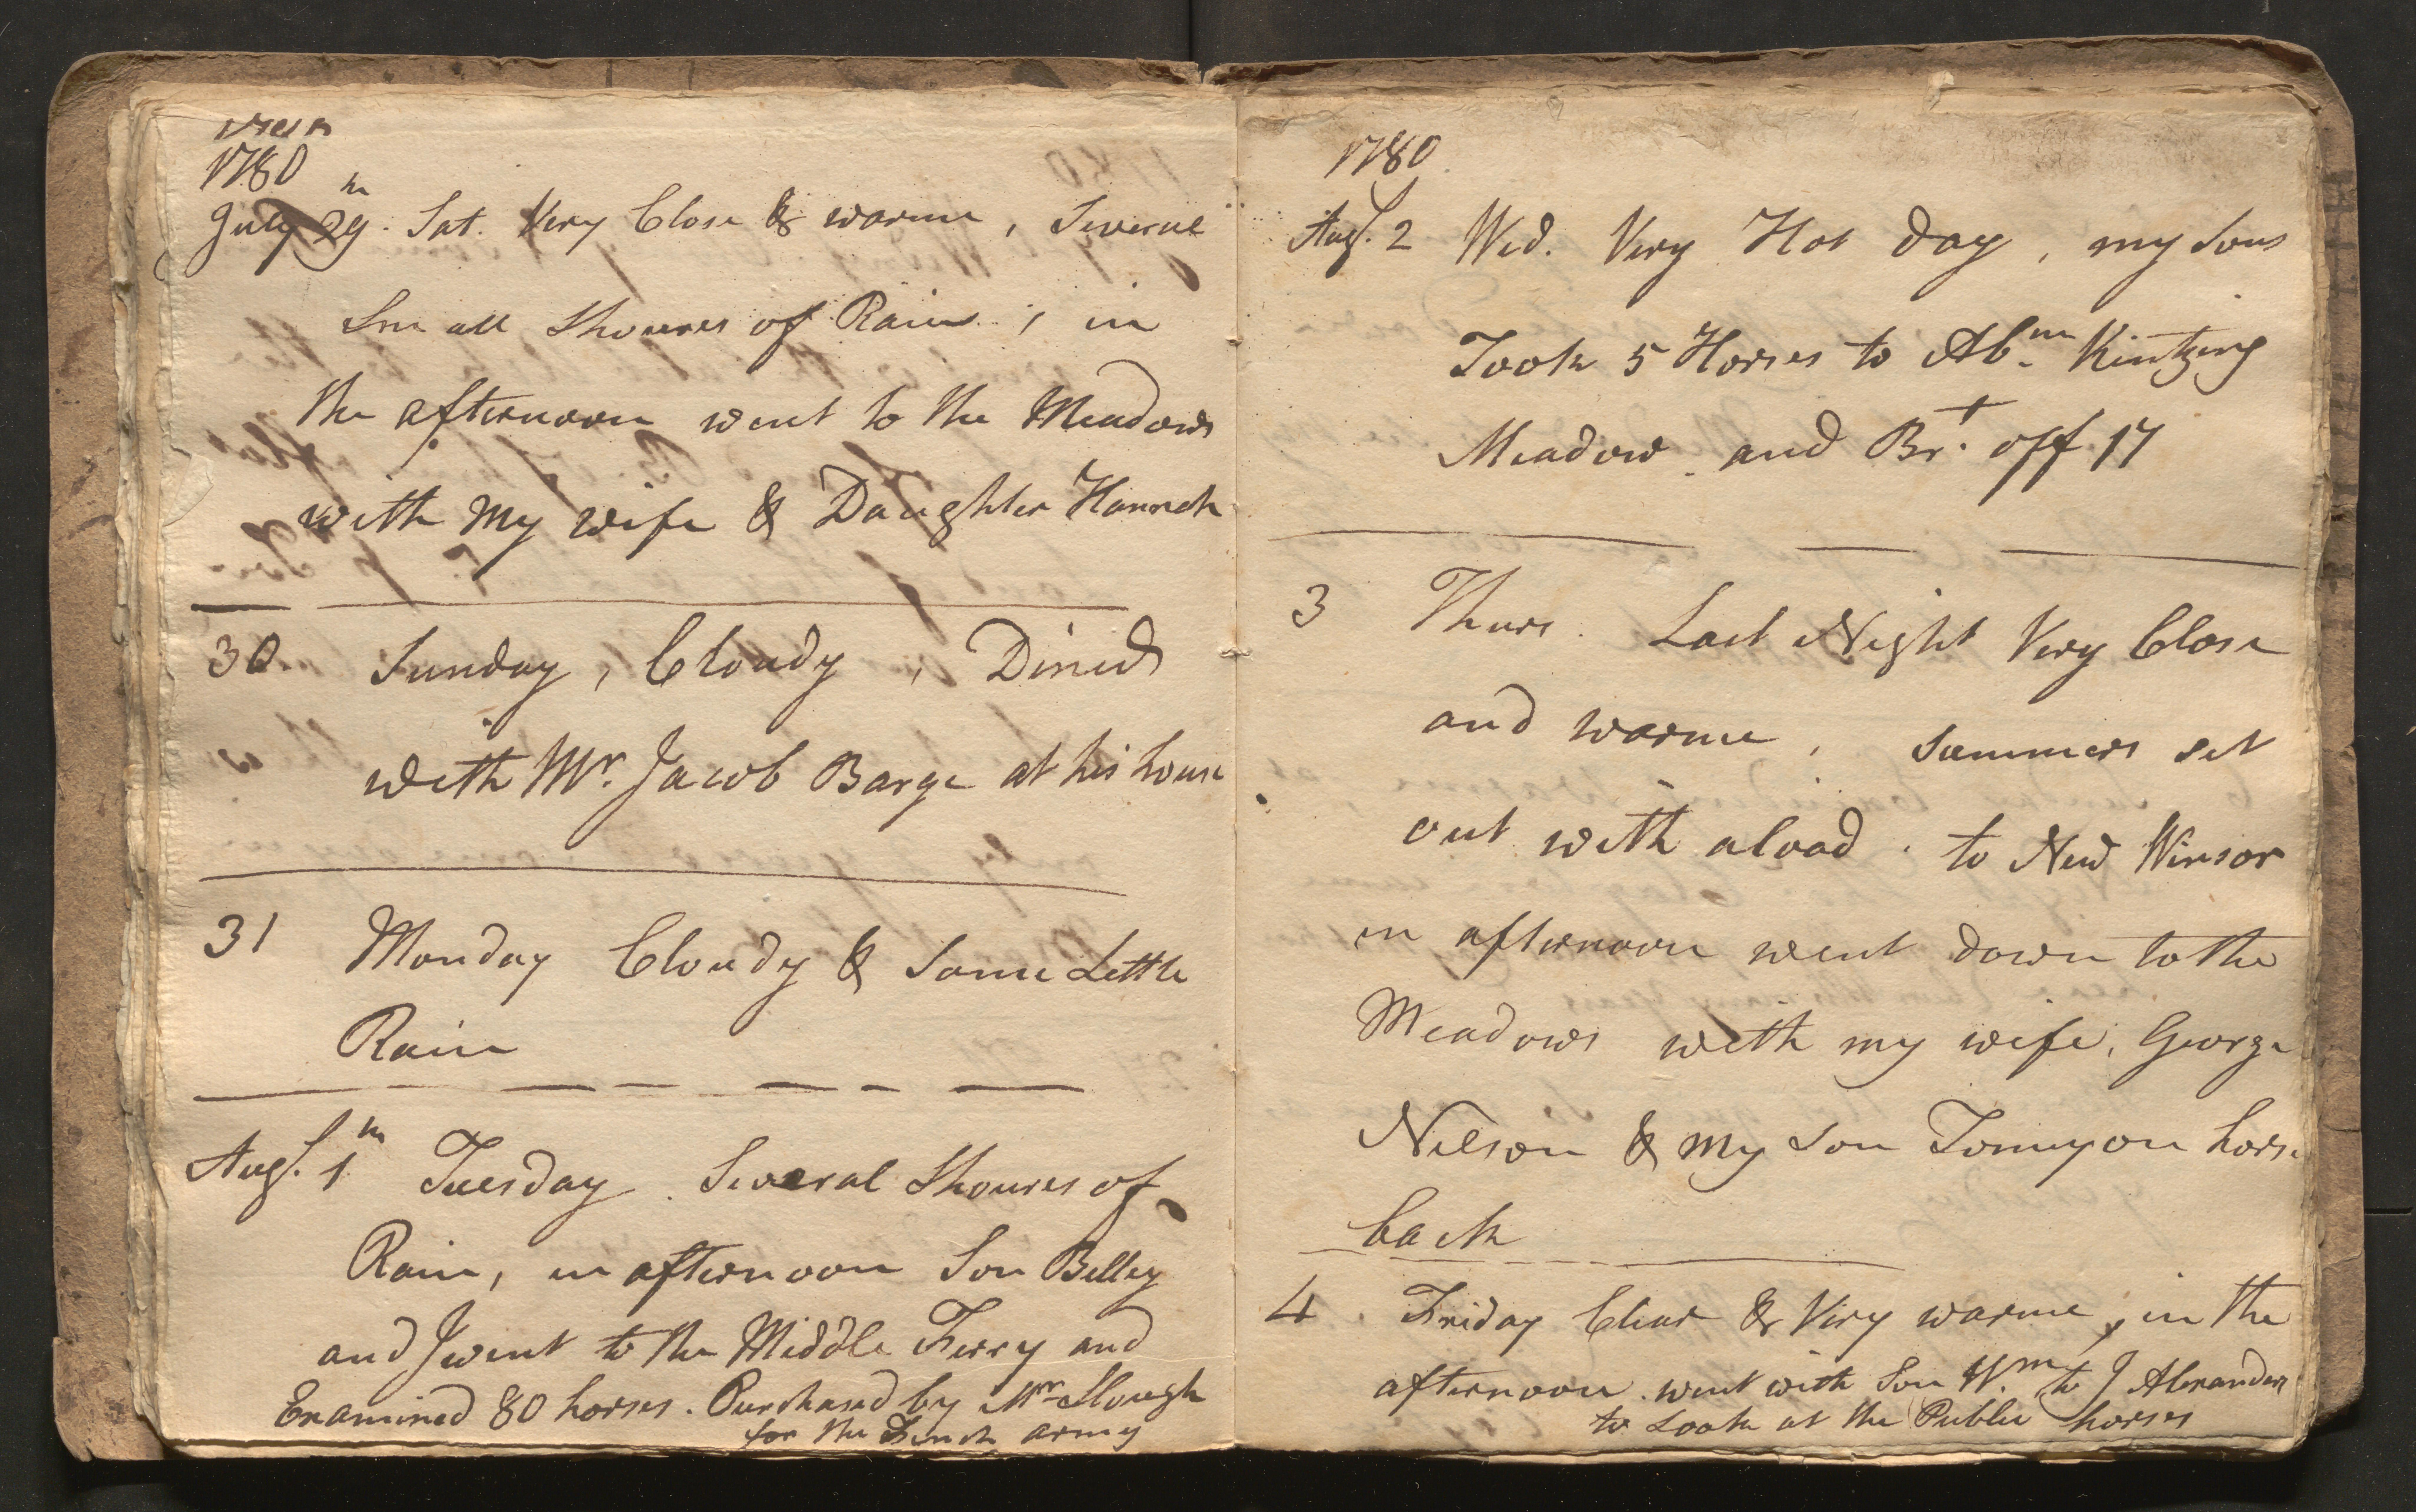1780
July 29^th. Sat. Very Close & warme, several
Small Shoures of Rains in
the afternoon went to the Meadows
with My wife & Daughter Hannah
30. Sunday, Cloudy, Dined
with M^r. Jacob Barge at his house
31 Monday Cloudy & some Little
Rain
Aug^t. 1^th Tuesday, Several shouses of
Rain, in afternoon son Billey
and I went to the Middle Ferry and
Examined 80 horses. Purchased by M^r. Slough
for the French army
1780
Aug^t. 2 Wed. Very Hot day, my sons
Took 5 Horses to Ab^m. Kintzing
Meadow and Br^t. off 17
3 Thurs Last Night Very Close
and warme. Summers set
out with a load. to New Winsor
in afternoon went down to the
Meadows with my wife. George
Nelson & my son Tomey on horse
back
4. Friday Clear & Very warme, in the
afternoon. went with Son W^m. to J Alenanders
to Loak at the Public horses